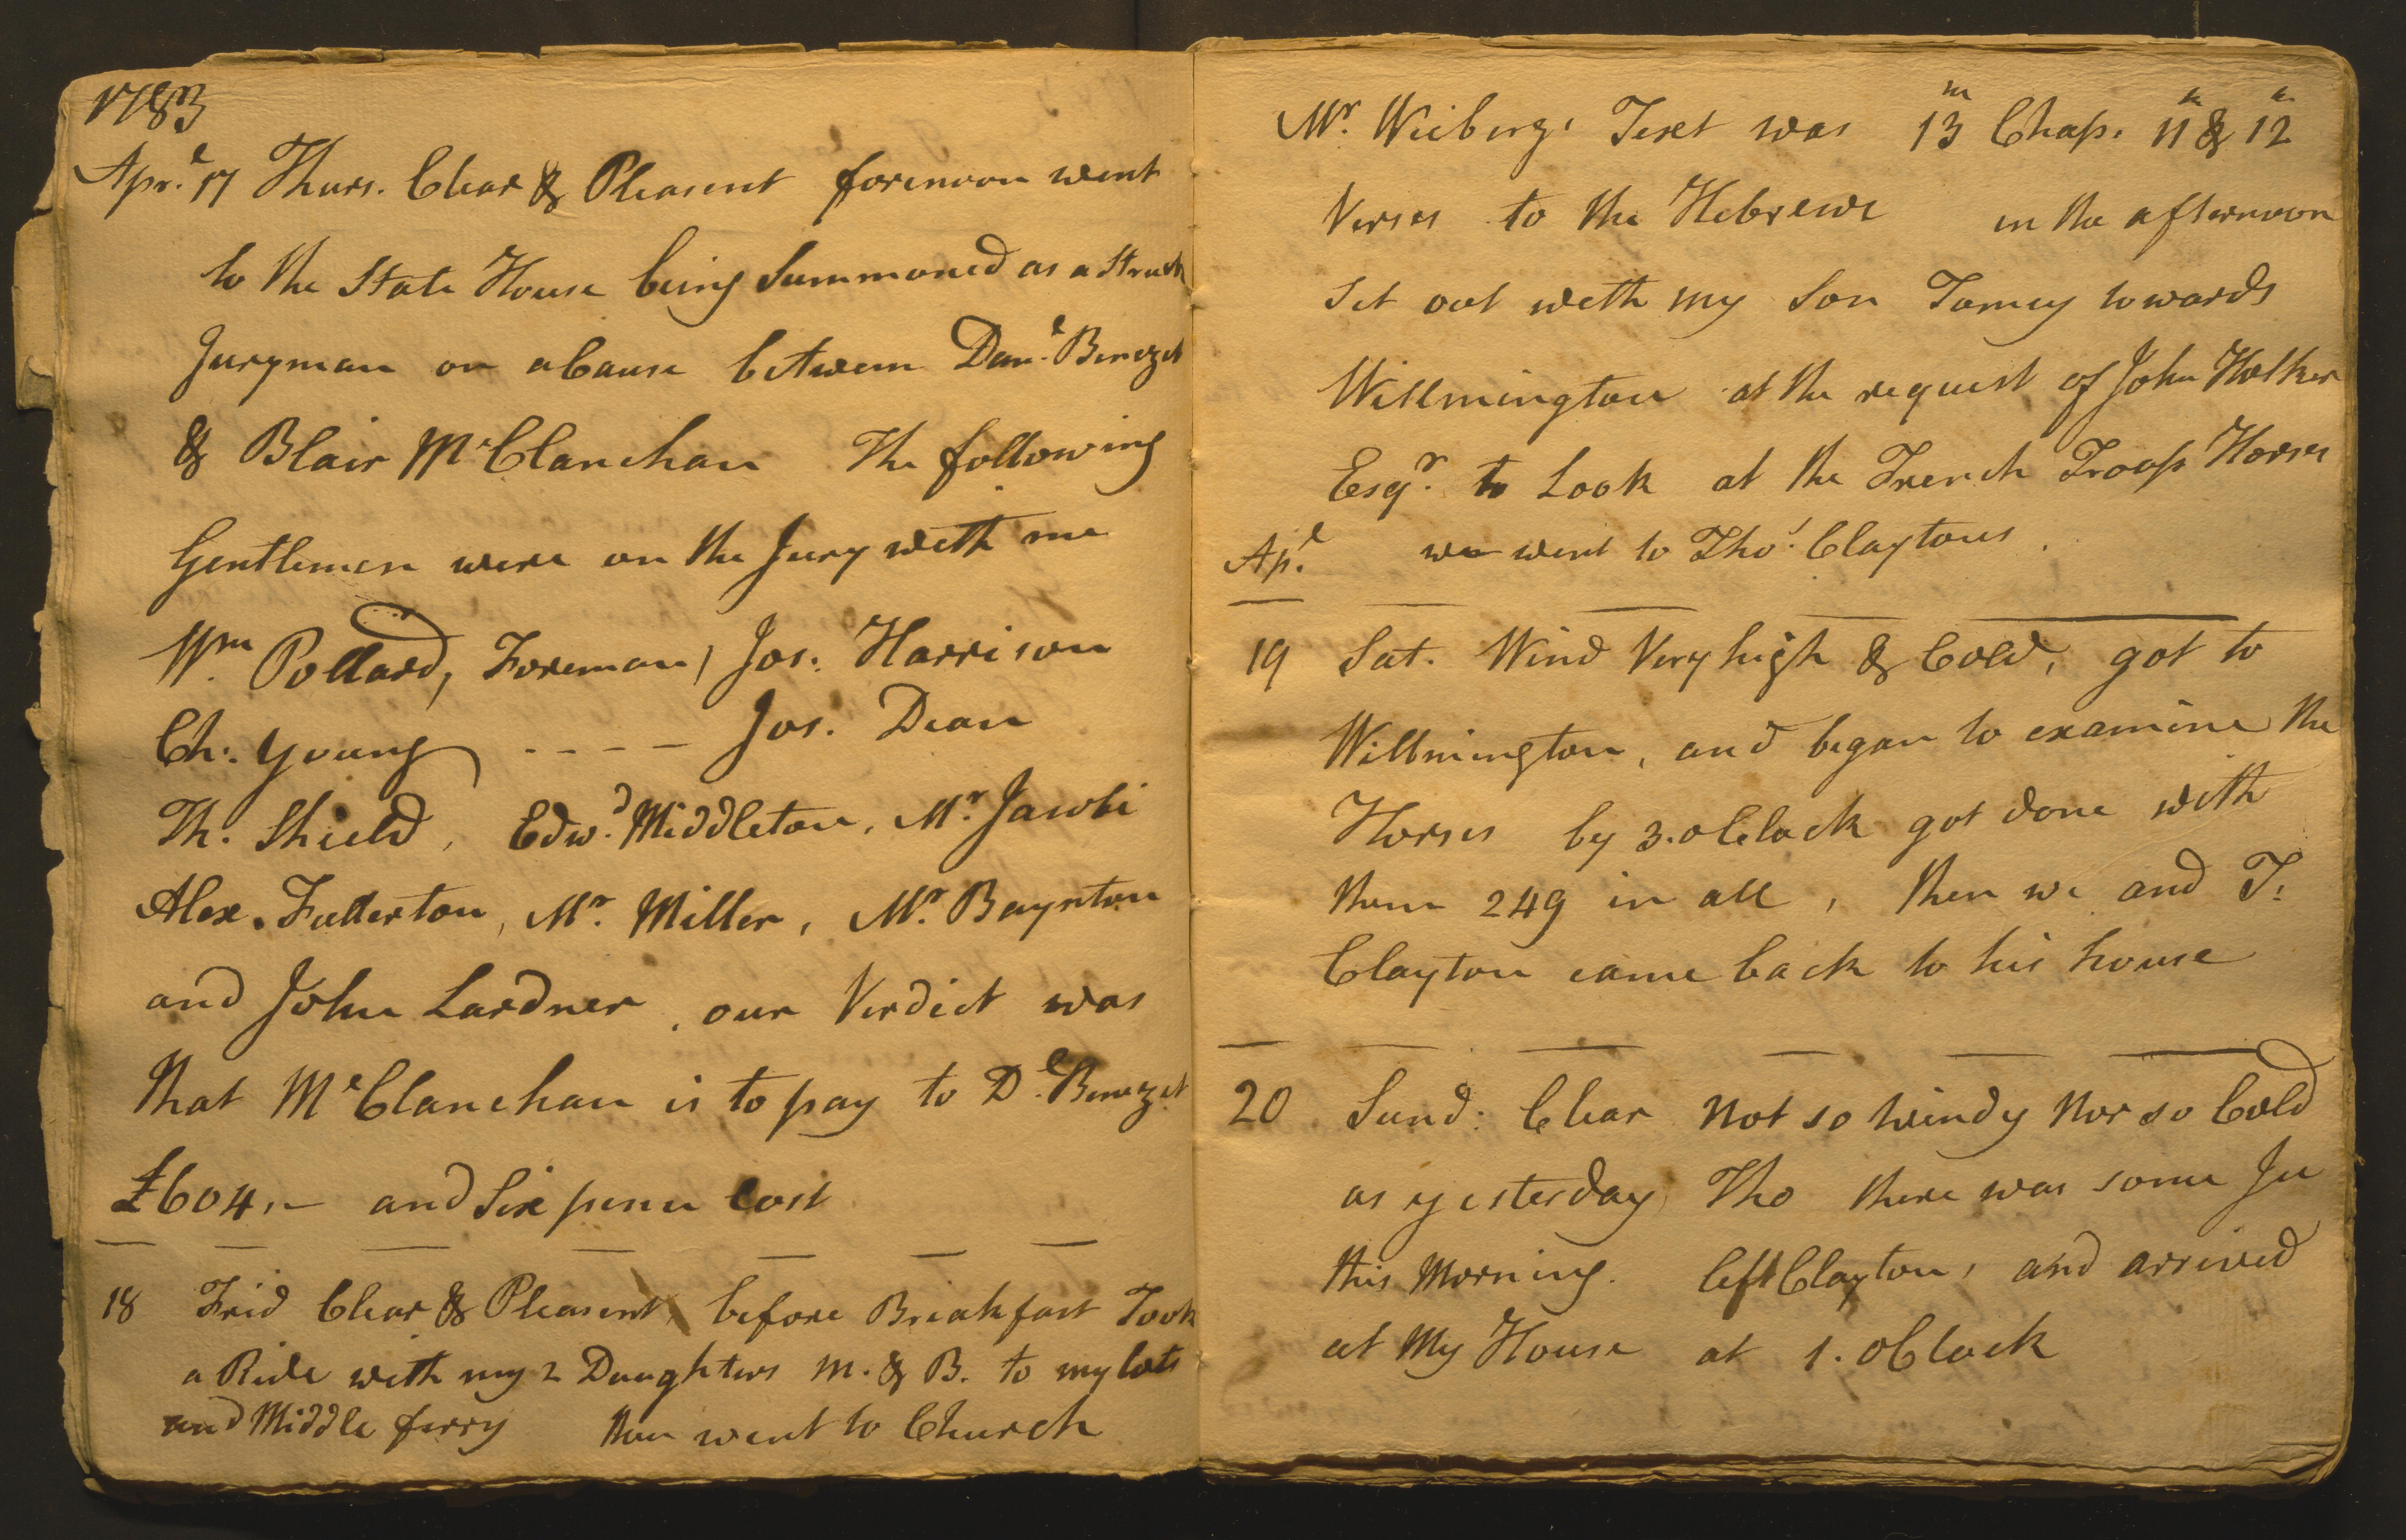1783
Apr^l. 17 Thurs. Clear & Pleasent forenoon went
to the State House being Summoned as a Stret
Juryman on a Cause between Dan^l. Benezet
& Blair M^cClanchan The following
Gentlemen were on the Jury with me
W^m. Pollard, Foreman, Jos. Harrison
Ch. young.---- Jos. Dean
Th. Shield, Edw^d. Middleton, M^r. Jacobi
Alex. Fuderton, M^r. Miller, M^r. Baynton
and John Lardner our Verdict was
that M^cClanchan is to pay to D^l. Benezet
£604.- and Six pence Cost
18 Frid Clear & Pleasent before Breakfast Took
a Ride with my 2 Daughters M. & B. to my lots
and Middle ferry than went to Church
M^r. Weibergs Text was 13^th Chap. 11^th & 12^th
Verses to the Hebrews in the afternoon
set oot with my Son Tomey towards
Willmington at the request of John Holker
Esq^r. to Look at the Trench Troop Horses
Ap^l.
we went to Tho^s. Claytons
19 Sat. Wind Very high & Cold, got to
Willmington, and began to examine the
Horses by 3 oClock got done with
them 249 in all, then we and T:
Clayton came back to his house
20 Sund. Clear Not so tindy Nor so Cold
as yesterday, Tho there was some Ice
this Morning. left Clayton, and arrived
at My House at 1. oClock